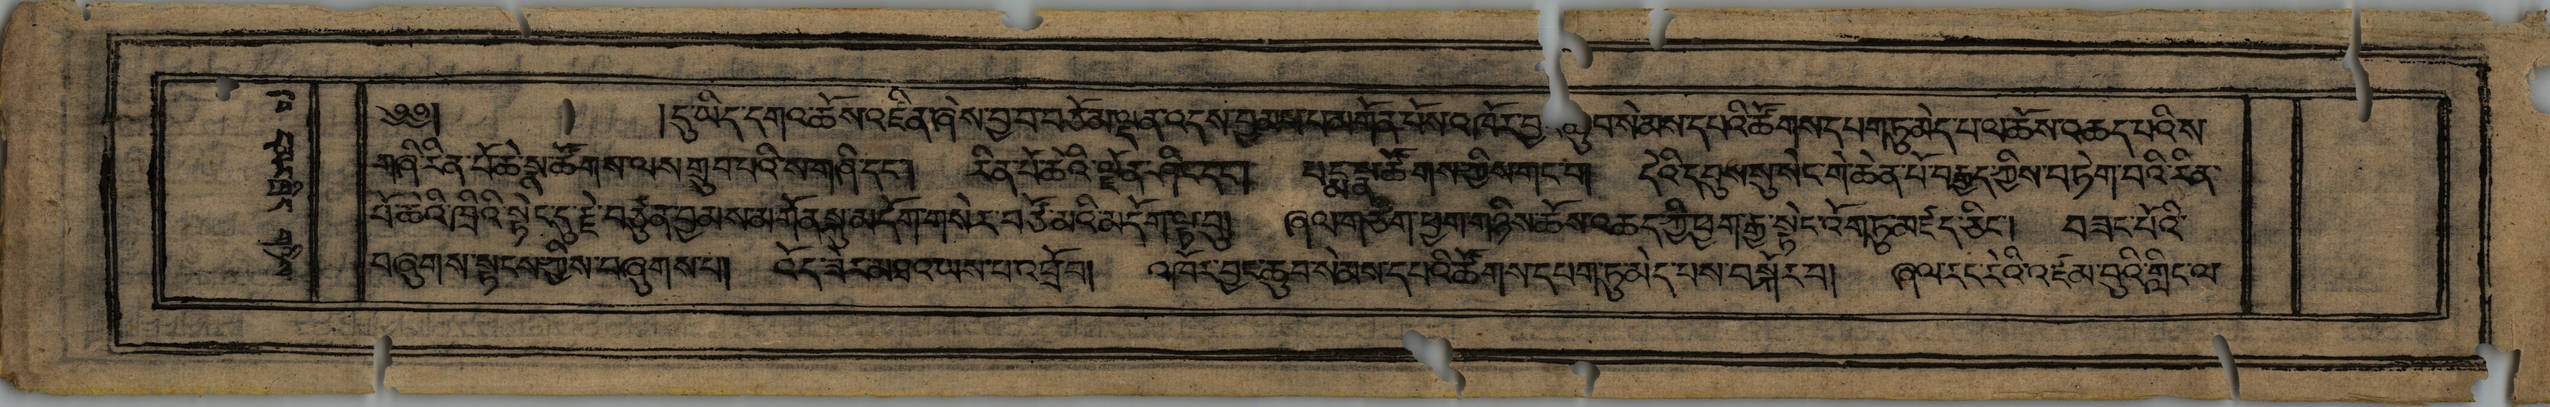༄༅། །དུ་ཡིད་དགའ་ཆོས་འཛིན་ཞེས་བྱ་བ་བཅོམ་ལྡན་འདས་བྱམས་པ་མགོན་པོས་འཁོར་བྱང་ཆུབ་སེམས་དཔའི་ཚོགས་དཔག་ཏུ་མེད་པ་ལ་ཆོས་འཆད་པའི་ས་
གཞི་རིན་པོ་ཆེ་སྣ་ཚོགས་ལས་གྲུབ་པའི་ས་གཞི་དང་། རིན་པོ་ཆེའི་ལྗོན་ཤིང་དང་། པདམ་སྣ་ཚོགས་ཀྱིས་གང་བ། དེའི་དབུས་སུ་སེར་གེ་ཆེན་པོ་བརྒྱད་ཀྱིས་བཏེག་པའི་རིན་
པོ་ཆེའི་ཁྲིའི་སྟེང་དུ་རྗེ་བཙུན་བྱམས་མགོན་སྐུ་མདོག་གསེར་བཙོ་མའི་མདོག་ལྟ་བུ། ཞལ་གཅིག་ཕྱག་གཉིས་ཆོས་འཆད་ཀྱི་ཕྱག་རྒྱ་སྟེང་འོག་ཏུ་མཛད་ཅིང་། བཟང་པོའི་
བཞུགས་སྟངས་ཀྱིས་བཞུགས་པ། འོད་ཟེར་མཐའ་ཡས་པ་འཕྲོ་བ། འཁོར་བྱང་ཆུབ་སེམས་དཔའི་ཚོགས་དཔག་ཏུ་མེད་པས་བསྐོར་བ། ཞལ་རང་རེའི་འཛམ་བུའི་གླིང་ལ་